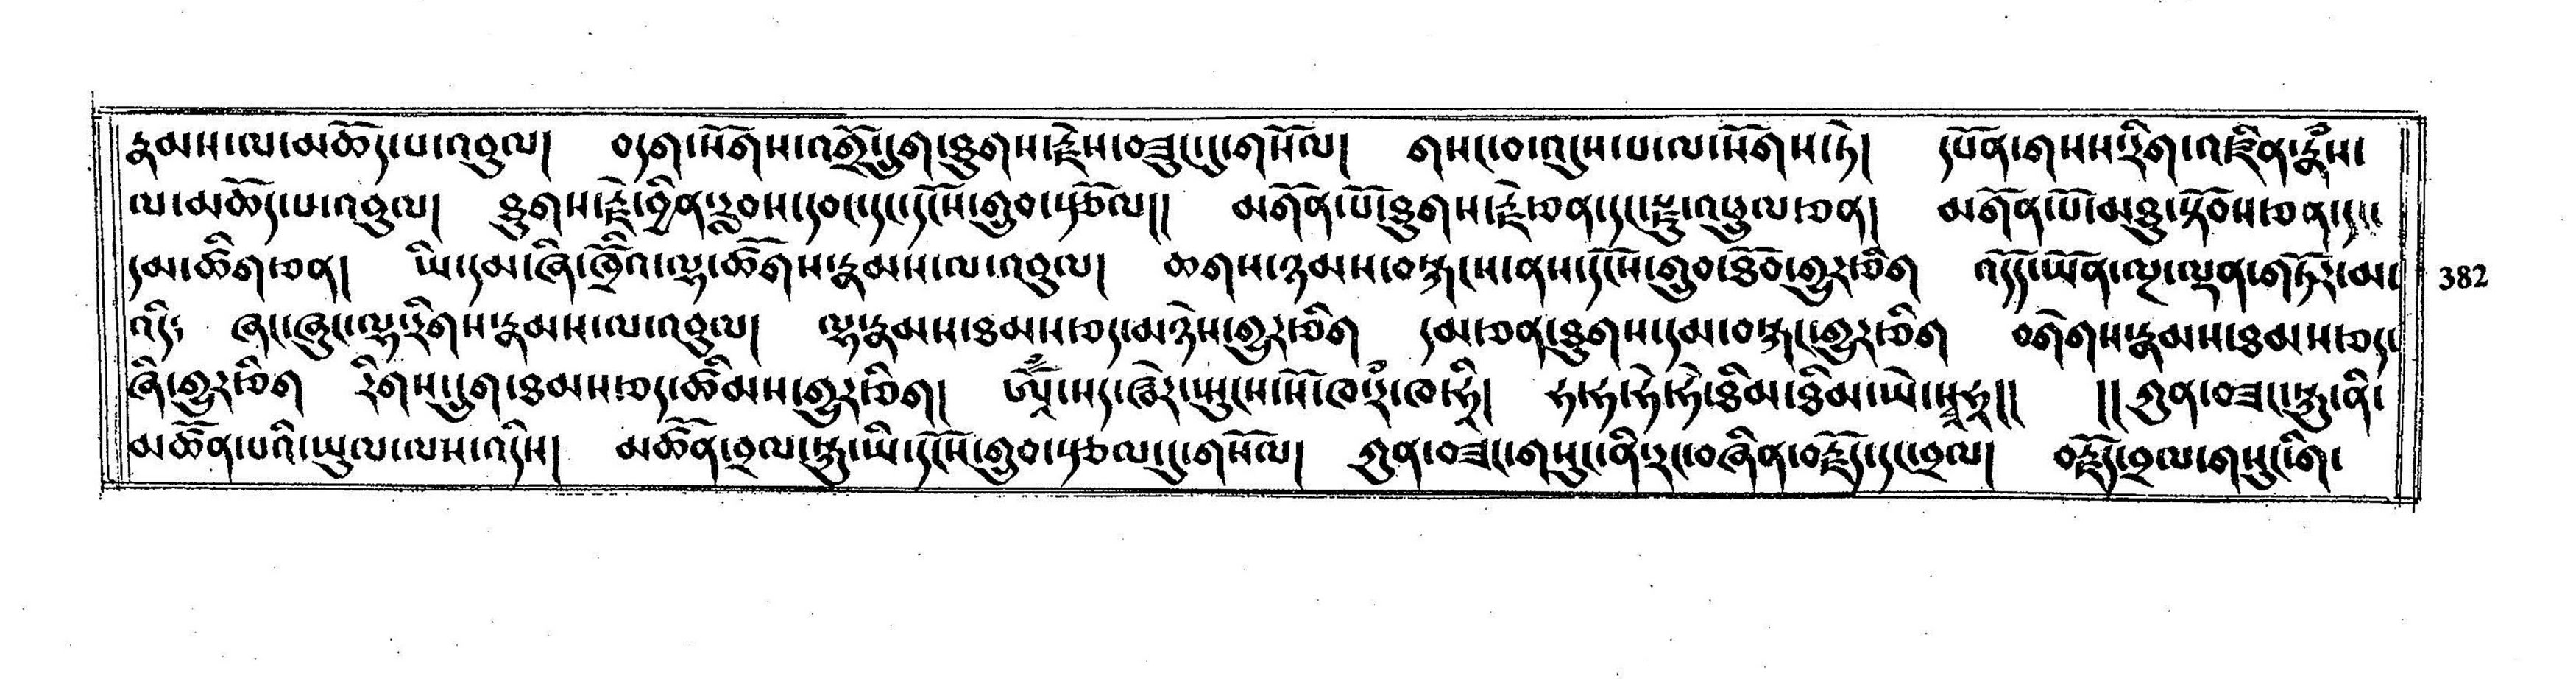རྣམས་ལ་མཆོད་པ་འབུལ། བདག་སོགས་འགྲོ་དྲུག་ཐུགས་རྗེས་བཟུང་དུ་གསོལ། གསང་བ་འདུས་པ་ལ་སོགས་ཏེ། དཔོན་གསས་རིག་འཛིན་རྣམས་
ལ་མཆོད་པ་འབུལ། ཐུགས་རྗེ་བྱིན་རླབས་དབང་དང་དངོས་གྲུབ་སྩོལ།། མགོན་པོ་ཐུགས་རྗེ་ཅན་དང་རྫུ་འཕྲུལ་ཅན། མགོན་པོ་མཐུ་སྟོབས་ཅན་དང་
དམ་ཚིག་ཅན། ཡི་དམ་ཞི་ཁྲོའི་ལྷ་ཚོགས་རྣམས་ལ་འབུལ། ཆགས་ཉམས་བསྐངས་ནས་དངོས་གྲུབ་ཐོབ་གྱུར་ཅིག །འདོད་ཡོན་ལྔ་ལྡན་གཏོར་མ་
འདི། ཞང་ཞུང་ལྷ་རིགས་རྣམས་ལ་འབུལ། ལྷ་རྣམས་ཐམས་ཅད་མཉེས་གྱུར་ཅིག དམ་ཅན་ཐུགས་དམ་བསྐང་གྱུར་ཅིག བགེགས་རྣམས་ཐམས་ཅད་
ཞི་གྱུར་ཅིག རིགས་དྲུག་ཐམས་ཅད་ཚིམས་གྱུར་ཅིག ཨཱོཾ་སད་ཝེར་སྤུངས་སོ་ཁ་རཾ་ཁ་ཧཱི། ཧ་ཧ་ཧེ་ཧེ་ཐིམ་ཐིམ་ཡེ་སྭཱཧཱ།། །།ཀུན་བཟང་སྐུ་ནི་
མཚོན་པའི་ཡུལ་ལས་འདིས། མཚོན་བྲལ་སྐུ་ཡི་དངོས་གྲུབ་སྩལ་དུ་གསོལ། ཀུན་བཟང་གསུང་ནི་རང་བཞིན་བརྗོད་དང་བྲལ། བརྗོད་བྲལ་གསུང་གི་